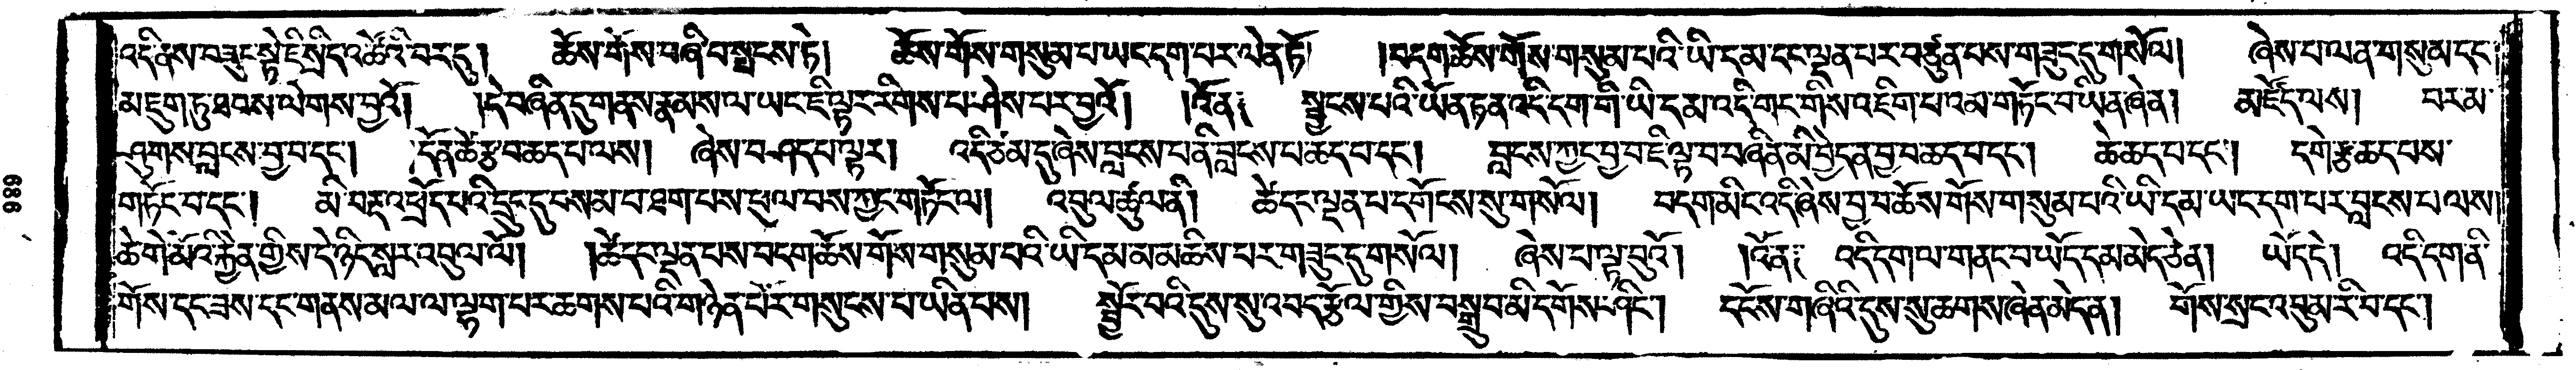འདི་ནས་བཟུང་སྟེ་ཇི་སྲིད་འཚོའི་བར་དུ། ཆོས་གོས་བཞི་བ་སྤངས་ཏེ། ཆོས་གོས་གསུམ་པ་ཡང་དག་པར་ལེན་ཏོ། །བདག་ཆོས་གོས་གསུམ་པའི་ཡི་དམ་དང་ལྡན་པར་བཙུན་པས་གཟུང་དུ་གསོལ། ཞེས་པ་ལན་གསུམ་དང་
མཇུག་ཏུ་ཐབས་ལེགས་བྱའོ། །དེ་བཞིན་དུ་གནས་རྣམས་ལ་ཡང་ཇི་ལྟར་རིགས་པ་ཤེས་པར་བྱའོ། །འོ་ན༑ སྦྱངས་པའི་ཡོན་ཏན་འདི་དག་གི་ཡི་དམ་འདི་གང་གིས་འཇིག་པའམ་གཏོང་བ་ཡིན་ཞེ་ན། མཛོད་ལས། བར་མ་
ཤུགས་བླངས་བྱ་བ་དང་། །དོན་ཚེ་རྩ་བ་ཆད་པ་ལས། ཞེས་བཤད་པ་ལྟར། འདི་ཙམ་དུ་ཞེས་བླངས་པ་ནི་བླངས་པ་ཆད་པ་དང་། བླངས་ཀྱང་བྱ་བ་ཇི་ལྟ་བ་བཞིན་མི་བྱེད་ན་བྱ་བ་ཆད་པ་དང་། ཆེ་ཆད་པ་དང་། དགེ་རྩ་ཆད་པས་
གཏོང་བ་དང་། མི་བརྡ་འཕྲོད་པའི་དྲུང་དུ་བསམ་པ་ཐག་པས་ཕུལ་བས་ཀྱང་གཏོང་ལ། འབུལ་ཚུལ་ནི། ཚེ་དང་ལྡན་པ་དགོངས་སུ་གསོལ། བདག་མིང་འདི་ཞེས་བྱ་བ་ཆོས་གོས་གསུམ་པའི་ཡི་དམ་ཡང་དག་པར་བླངས་པ་ལས།
ཆེ་གེ་མོའི་རྐྱེན་གྱིས་དེ་ཉིད་སླར་འབུལ་ལོ། །ཚེ་དང་ལྡན་པས་བདག་ཆོས་གོས་གསུམ་པའི་ཡི་དམ་མ་མཆིས་པར་གཟུང་དུ་གསོལ། ཞེས་པ་ལྟ་བུའོ། །འོ་ན༑ འདི་དག་ལ་གནང་བ་ཡོད་དམ་མེད་ཅེ་ན། ཡོད་དེ། འདི་དག་ནི་
གོས་དང་ཟས་དང་གནས་མལ་ལ་ལྷག་པར་ཆགས་པའི་ངྱེན་པོར་གསུངས་པ་ཡིན་པས། སྦྱོར་བའི་དུས་སུ་འབད་རྩོལ་གྱིས་བསྒྲུབ་མི་དགོས་ཤིང་། དངོས་གཞིའི་དུས་སུ་ཆགས་ཞེན་མེད་ན། གོས་སྲང་འབུམ་རི་བ་དང་།